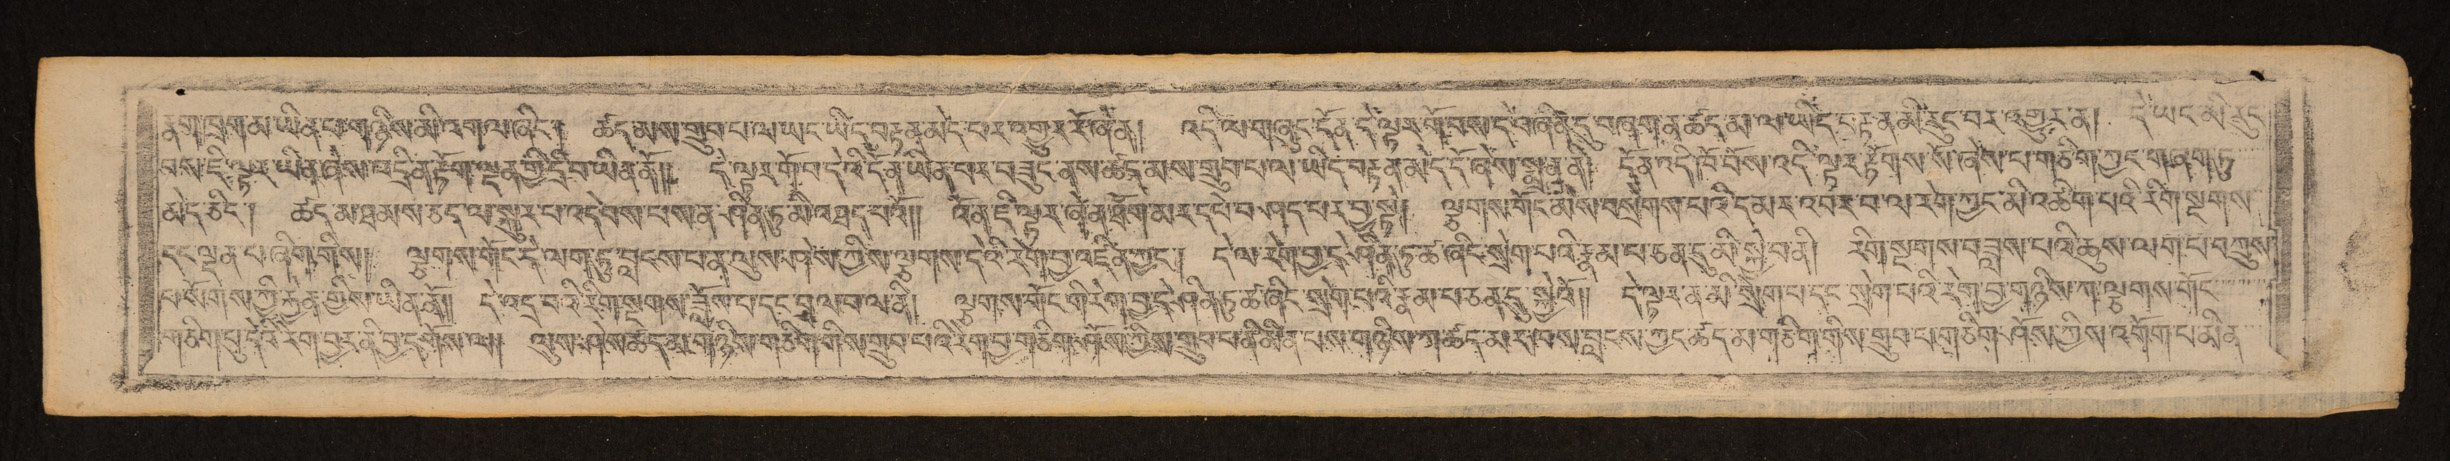རྣལ་ཁྲག་མ་ཡིན་པ་གཉིས་མི་འགལ་ཞིང་། ཚད་མས་གྲུབ་པ་ལ་ཡང་ཡིད་བརྟན་མེད་པར་འགྱུར་རོ་ཞེ་ན། འདི་ལ་གཞུང་དོན་དེ་ལྟར་གོ་བས་དེ་བཞིན་དུ་བཞག་ན་ཚད་མ་ལ་ཡིད་བརྟན་མི་འགྱུར་བར་འགྱུར་ན། དེ་ཡང་མི་རུང་
བས་ཇི་ལྟར་ཡིན་ཞེས་འདྲི་ན་རྟོག་ལྡན་གྱི་དྲི་བ་ཡིན་ནོ།། དེ་ལྟར་གོ་བ་དེའི་དོན་ཡིན་པར་བཟུང་ནས་ཚད་མས་གྲུབ་པ་ལ་ཡིད་བརྟན་མེད་དོ་ཞེས་སྨྲ་ན་ནི། དོན་འདི་ཁོ་བོས་འདི་ལྟར་རྟོགས་སོ་ཞེས་པ་གཅིག་ཀྱང་གཞག་ཏུ་
མེད་ཅིང་། ཚད་མ་ཐམས་ཅད་ལ་སྐུར་པ་འདེབས་པས་ན་ཤིན་ཏུ་མི་འཐད་པའོ།། འོ་ན་ཇི་ལྟར་ཞེ་ན་ཐོག་མར་དཔེ་བཤད་པར་བྱ་སྟེ། ལྕགས་གོང་མེས་བསྲེགས་པའི་དམར་འབར་བ་ལ་རེག་ཀྱང་མི་འཚིག་པའི་རིག་སྔགས་
དང་ལྡན་པ་ཞིག་གིས། ལྕགས་གོང་དེ་ལག་ཏུ་བླངས་པ་ན་ལུས་ཤེས་ཀྱིས་ལྕགས་དེའི་རེག་བྱ་འཛིན་ཀྱང་། དེ་ལ་རེག་བྱ་དེ་ཤིན་ཏུ་ཚ་ཞིང་སྲེག་པའི་རྣམ་པ་ཅན་དུ་མི་སྐྱེ་བ་ནི། རིགས་སྔགས་བཟླས་པའི་ཆུས་ལག་པ་བཀྲུས་
པ་སོགས་ཀྱི་རྐྱེན་གྱིས་ཡིན་ནོ།། དེ་འདྲ་བའི་རིག་སྔགས་ཟློས་པ་དང་བྲལ་བ་ལ་ནི། ལྕགས་གོང་གི་རེག་བྱ་དེ་ཤིན་ཏུ་ཚ་ཞིང་སྲེག་པའི་རྣམ་པ་ཅན་དུ་སྐྱེའོ།། དེ་ལྟར་ན་མི་སྲེག་པ་དང་སྲེག་པའི་རེག་བྱ་གཉིས་ཀ་ལྕགས་གོང་
གཅིག་པུ་དེའི་རེག་བྱར་ནི་བྱ་དགོས་ལ། ལུས་ཤེས་ཚད་མ་གཉིས་གཅིག་གིས་གྲུབ་པའི་རེག་བྱ་གཅིག་ཤོས་ཀྱིས་གྲུབ་པ་ནི་མིན་པས་གཉིས་ཀ་ཚད་མར་ཁས་བླངས་ཀྱང་ཚད་མ་གཅིག་གིས་གྲུབ་པ་གཅིག་ཤོས་ཀྱིས་འགོག་པ་མིན་